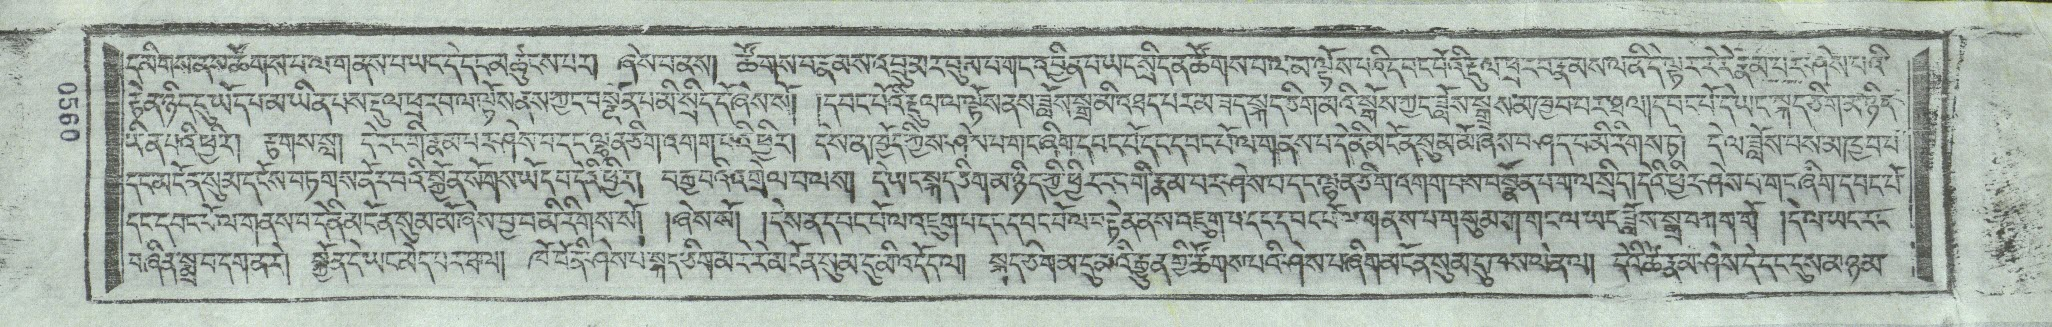དམིགས་ནས་ཚོགས་པ་ལ་གནས་པ་ཡང་དེ་དང་མཚུངས་པར། ཞེས་པ་ནས། ཚོགས་པ་རྣམས་འབྲུ་མར་བུམ་པ་གང་འབྱིན་པ་ཡང་སྲིད་ན་ཚོགས་པ་ལམ་ལྟོས་པའི་དབང་པོའི་རྡུལ་ཕྲ་རབ་རྣམས་ལ་ནི་དེ་ལྟར་རེ་རེ་རྣམ་པར་ཤེས་པའི་
རྟེན་ཉིད་དུ་ཡོད་པ་མ་ཡིན་པས་རྡུལ་ཕྲ་རབ་ལ་ལྟོས་ནས་ཀྱང་བསྣོན་པ་མི་སྲིད་དོ་ཞེས་སོ། །དབང་པོའི་རྡུལ་ལ་ལྟོས་ནས་ཟློས་སྒྲ་མི་འཐད་པར་མ་ཟད་སྐད་ཅིག་མའི་སྒོས་ཀྱང་ཟློས་སྒྲས་མ་ཁྱབ་པར་ཐལ། དབང་པོ་དེ་ཡང་སྐད་ཅིག་མ་ཉིད་
ཡིན་པའི་ཕྱིར། རྟགས་སླ། དེ་རང་གི་རྣམ་པར་ཤེས་པ་དང་ལྷན་ཅིག་འགག་པའི་ཕྱིར། དེས་ན་ཁྱོད་ཀྱིས་ཤེས་པ་གང་ཞིག་དབང་པོ་དང་དབང་པོ་ལ་གནས་པ་དེ་ནི་མངོན་སུམ་མོ་ཞེས་བཤད་པ་མི་རིགས་ཏེ། དེ་ལ་ཟློས་པས་མ་ཁྱབ་པ་
དང་མངོན་སུམ་དངོས་བཏགས་ནོར་བའི་སྐྱོན་སོགས་ཡོད་པ་དེའི་ཕྱིར། བརྒྱ་བའི་འགྲེལ་བ་ལས། དེ་ཡང་སྐད་ཅིག་མ་ཉིད་ཀྱི་ཕྱིར་རང་གི་རྣམ་པར་ཤེས་པ་དང་ལྷན་ཅིག་འགག་པས་བསྣོན་པ་ག་ལ་སྲིད། དེའི་ཕྱིར་ཤེས་པ་གང་ཞིག་དབང་པོ་
དང་དབང་པོ་ལ་གནས་པ་དེ་ནི་མངོན་སུམ་མོ་ཞེས་བྱ་བ་མི་རིགས་སོ། །ཞེས་སོ། །དེས་ན་དབང་པོ་ལ་འཇུག་པ་དང་དབང་པོ་ལ་བརྟེན་ནས་འཇུག་པ་དང་དབང་པོ་ལ་གནས་པ་གསུམ་ཀ་གང་ལ་ཡང་ཟློས་སྒྲ་བཀག་གོ །དེ་ལ་ཡང་རང་
བཞིན་སྨྲ་བ་དག་ན་རེ། སྐྱོན་དེ་ཡང་མེད་པར་ཐལ། ཁོ་བོ་ནི་ཤེས་པ་སྐད་ཅིག་མ་རེ་རེ་མངོན་སུམ་དུ་མི་འདོད་ལ། སྐད་ཅིག་མ་དུ་མའི་རྒྱུན་གྱི་ཚོགས་པའི་ཤེས་པ་ཞིག་མངོན་སུམ་དུ་ཁས་ལེན་ལ། དེའི་ཚེ་རྣམ་ཤེས་དེ་དང་དུས་མཉམ་